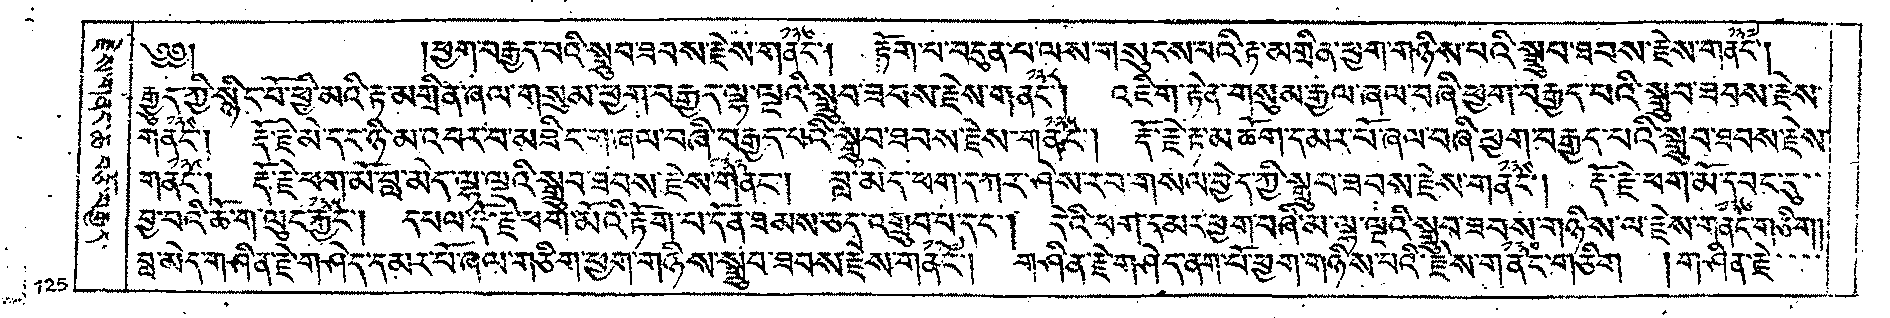༄༅། །ཕྱག་བརྒྱད་པའི་སྒྲུབ་ཐབས་རྗེས་གནང ༡༢༦། རྟོག་པ་བདུན་པ་ལས་གསུངས་པའི་རྟ་མགྲིན་ཕྱག་གཉིས་པའི་སྒྲུབ་ཐབས་རྗེས་གནང ༡༢༧།
རྒྱུད་ཀྱི་སྙིང་པོ་ཕྱི་མའི་རྟ་མགྲིན་ཞལ་གསུམ་ཕྱག་བརྒྱད་ལྷ་ལྔའི་སྒྲུབ་ཐབས་རྗེས་གནང ༡༢༨། འཇིག་རྟེན་གསུམ་རྒྱལ་ཞལ་བཞི་ཕྱག་བརྒྱད་པའི་སྒྲུབ་ཐབས་རྗེས་
གནང ༡༢༤། རྡོ་རྗེ་མེ་དང་ཉི་མ་འབར་བ་མཐིང་ག་ཞལ་བཞི་བརྒྱད་པའི་སྒྲུབ་ཐབས་རྗེས་གནང ༡༢༥། རྡོ་རྗེ་རྟ་མཆོག་དམར་པོ་ཞལ་བཞི་ཕྱག་བརྒྱད་པའི་སྒྲུབ་ཐབས་རྗེས་
གནང ༡༢༩། རྡོ་རྗེ་ཕག་མོ་བླ་མེད་ལྷ་ལྔའི་སྒྲུབ་ཐབས་རྗེས་གནང ༡༣༢། བླ་མེད་ཕག་དཀར་ཤེས་རབ་གསལ་བྱེད་ཀྱི་སྒྲུབ་ཐབས་རྗེས་གནང ༡༢༤། རྡོ་རྗེ་ཕག་མོ་དབང་དུ་
བྱ་བའི་ཆོ་ག་ལུང་རྐྱང ༡༣༤། དཔལ་རྡོ་རྗེ་ཕག་མོའི་རྟོག་པ་དོན་ཐམས་ཅད་འགྲུབ་པ་དང་། དེའི་ཕག་དམར་ཕྱག་བཞི་མ་ལྷ་ལྔའི་སྒྲུབ་ཐབས་གཉིས་ལ་རྗེས་གནང ༡༣༦་གཅིག །
བླ་མེད་གཤིན་རྗེ་གཤེད་དམར་པོ་ཞལ་གཅིག་ཕྱག་གཉིས་སྒྲུབ་ཐབས་རྗེས་གནང ༡༣༧། གཤིན་རྗེ་གཤེད་ནག་པོ་ཕྱག་གཉིས་པའི་རྗེས་གནང ༡༣༠་གཅིག །གཤིན་རྗེ་